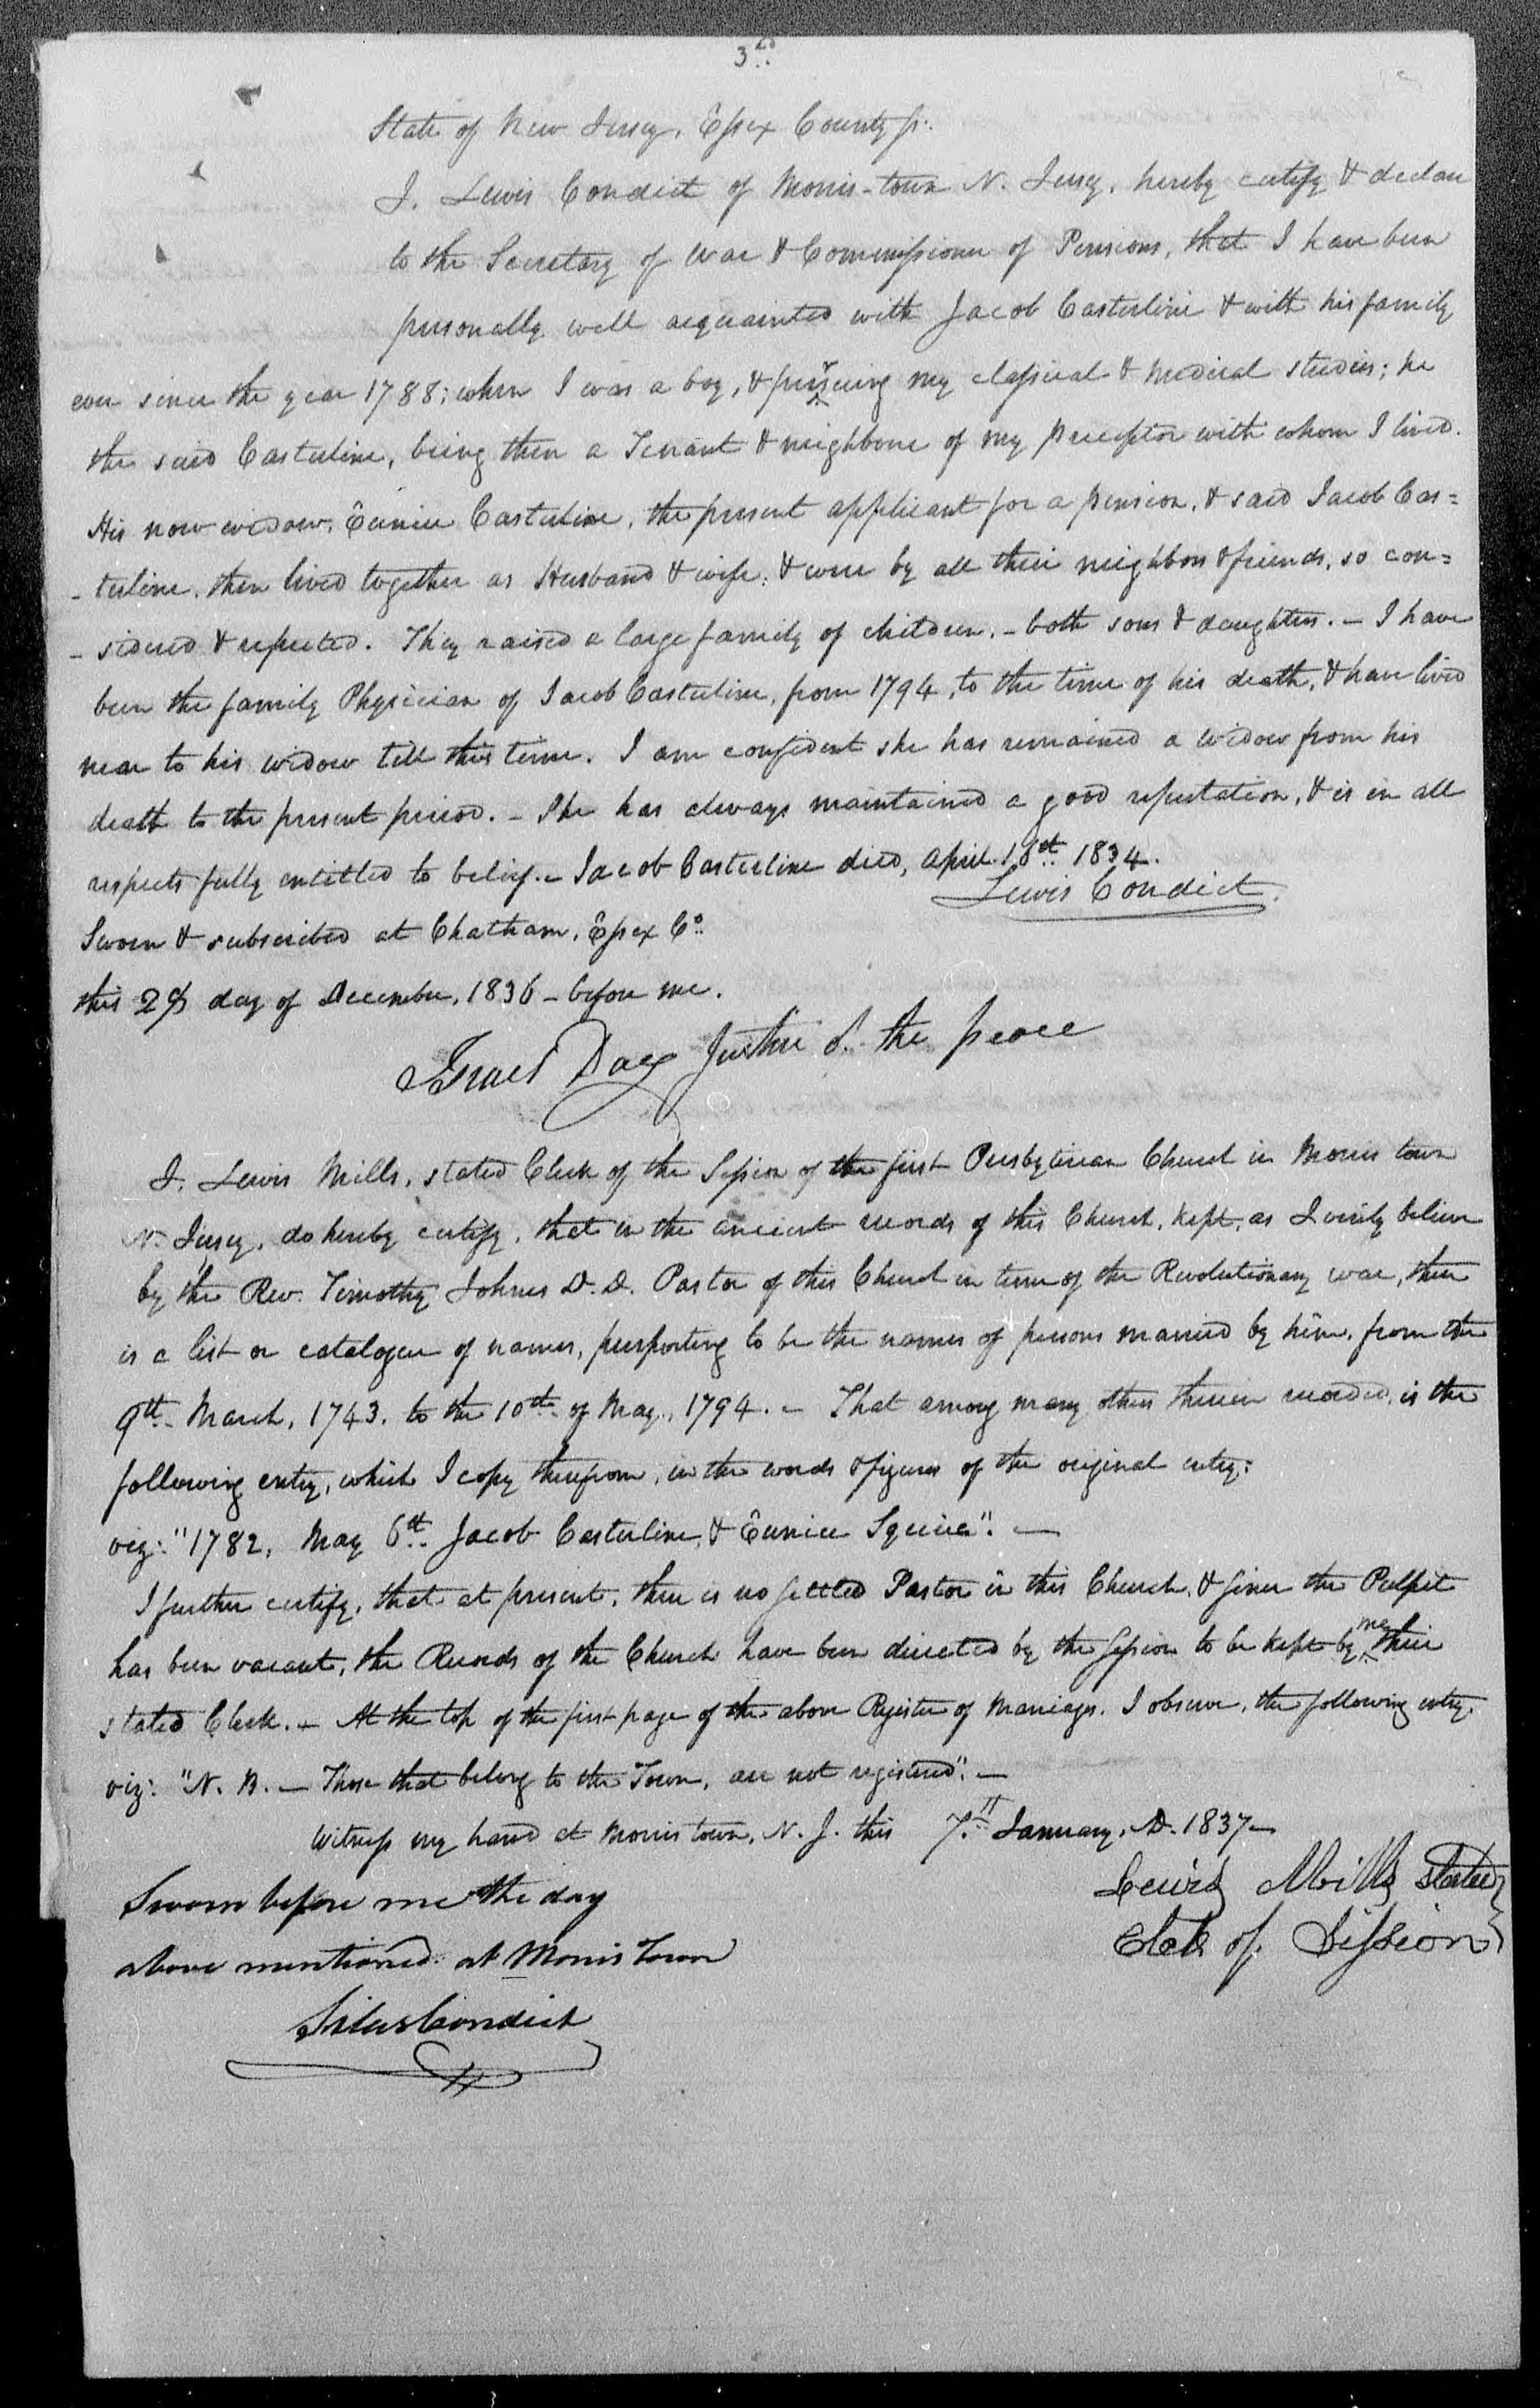3.

State of New Jersey Essex county
I, Lewis Condict of Morriston N. Jersey herby certify and declare to the Secretary of War and Commission of Pensions that I have been personally well acquainted with Jacob Casterline and with his family ever since they ear 1788 when I was a boy and [?] my classical and heroical stories he the said Casterline, being then a tenant and neighbour of my preceptor with whom I lived.  His now widow, Eunice Caseterline, the present applicant for a pension and said Jacob Casterline then lived together and huband and wife and were by all their neighbors and friends so conscious and reputed.  They raised a large family of children, both sons and daughters.  I have been the family physician of Jacob Casterline from 1794 to the time of his death and have lived near to his widow till this time.  I am confident she has remained a widow from his death to the present period.  She has always maintained a good reputation and is in all aspects fully entitle to belief.  Jacob Casterline died April 16th 1834.  
Lewis Condict
Sworn and subscribed at Chatham Essex Co  
this 28 day of December 1836 before me
Israel Day Justice of the Peace

I Lewis Mills, stated clerk of the [?] of the first Presbyterian Church in Morristown N. Jersey do hereby certify that in the ancient words of this church, kept as I verily believe by the Rev. Timothy Johnes D. D. Pastor of this church in time of the Revolutionary War, there is a lit or catalogue of names perporting to be the names of persons [?] from the 9th March 1743 to the 10of May 1794.  That [?] may other [?] is the following entry, which I copy herefrom, in the words of the original entry.  Beg: "1782,  May 6th Jacob Casterline & Eunice Squire"
I further certify that at present, there is no settled pastor in this church and find the pulpit has been vacant, the [?] of the Church have been directed by the [?] to be kept by me their stated Clerk.  At the top of the first page of the above Register of Marriages , I observe the following entry. Viz: " N. B - There that belong to this town are not rejoiced"
Writings my hand at Morristown N. J this 7th January 1837
Sworn before me the day above mentioned at Morristown 
Silas Condict

Lewis Mills [?]
Clerk of [?]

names: Lewis Condict, Jacob Casterline, Lewis Mills, Jacob Casterline, Silas Condict, Lewis Condict, Jacob Casterline, Lewis Mills, Timothy Johnes, Jacob Casterline, Jacob Casterline, Israel Day, D D Pastor, Eunice Casterline, Eunice Squire, Casterline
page: 12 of 38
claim: widow's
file: W. 6644, Jacob Casterline, New Jersey